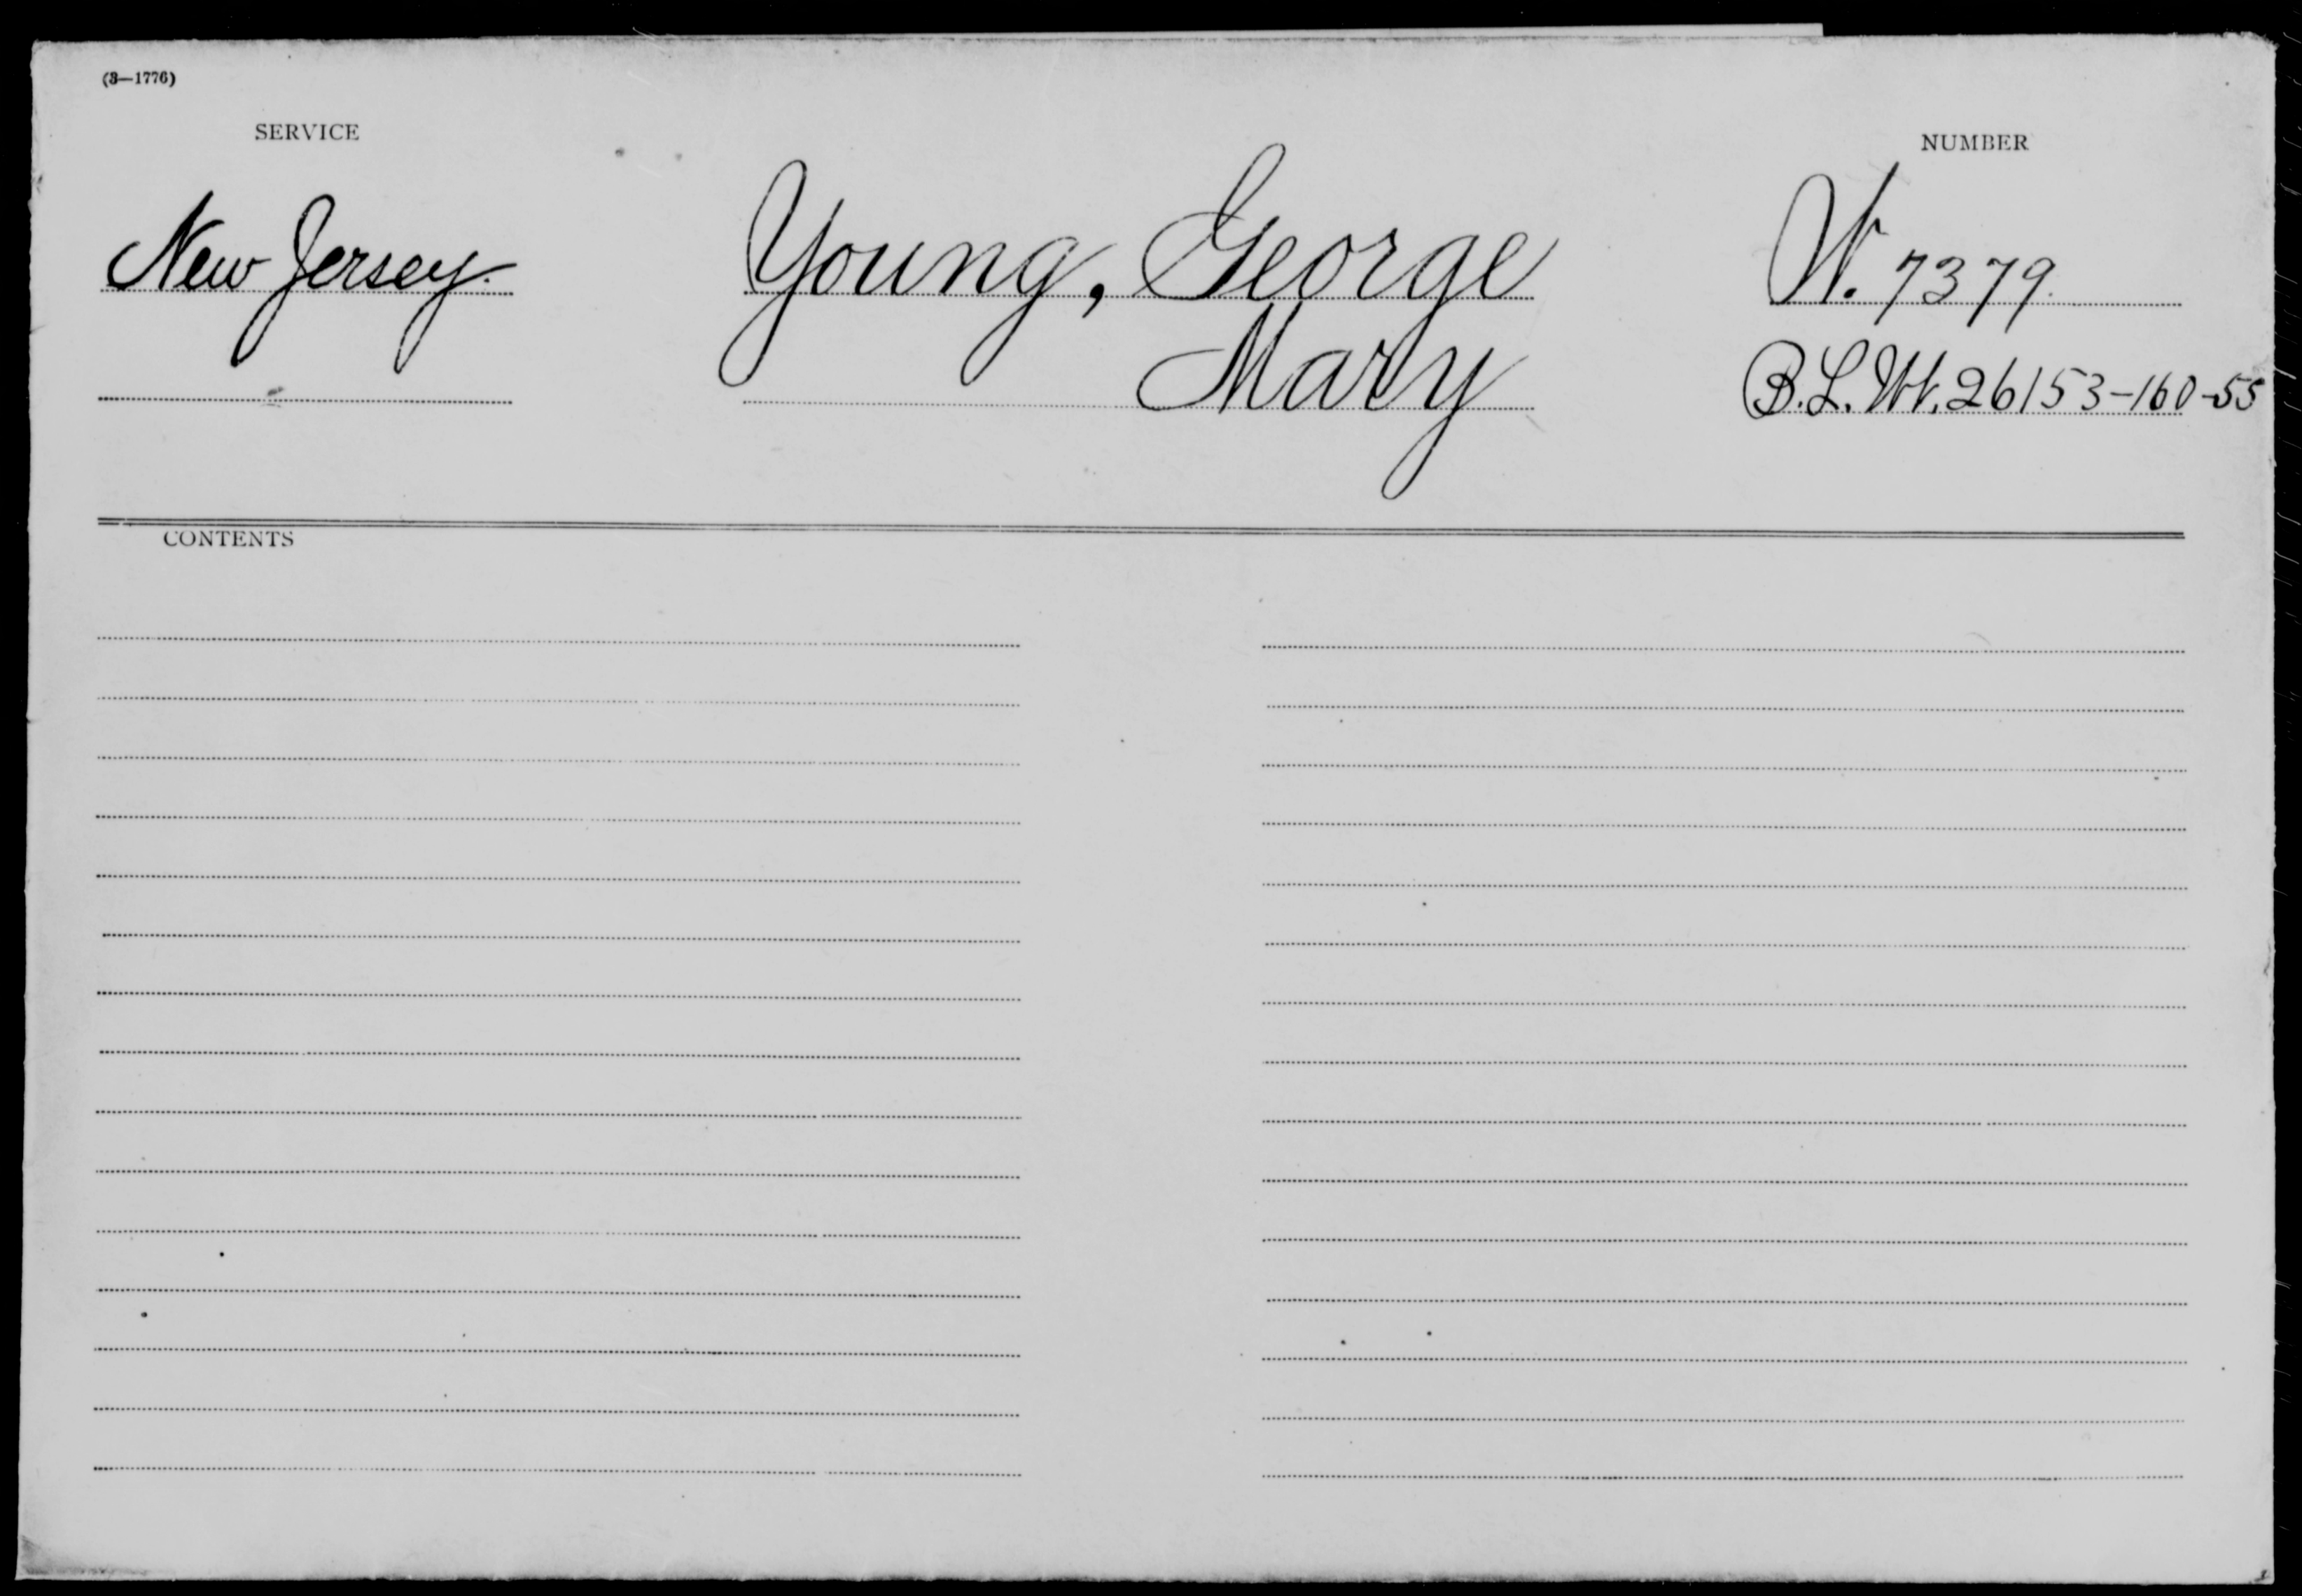New Jersey
Young, George.     Mary
W. 7379
B.L.(W.?) 26153-160-53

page: 1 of 67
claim: widow's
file: W. 7379, George Young, New Jersey